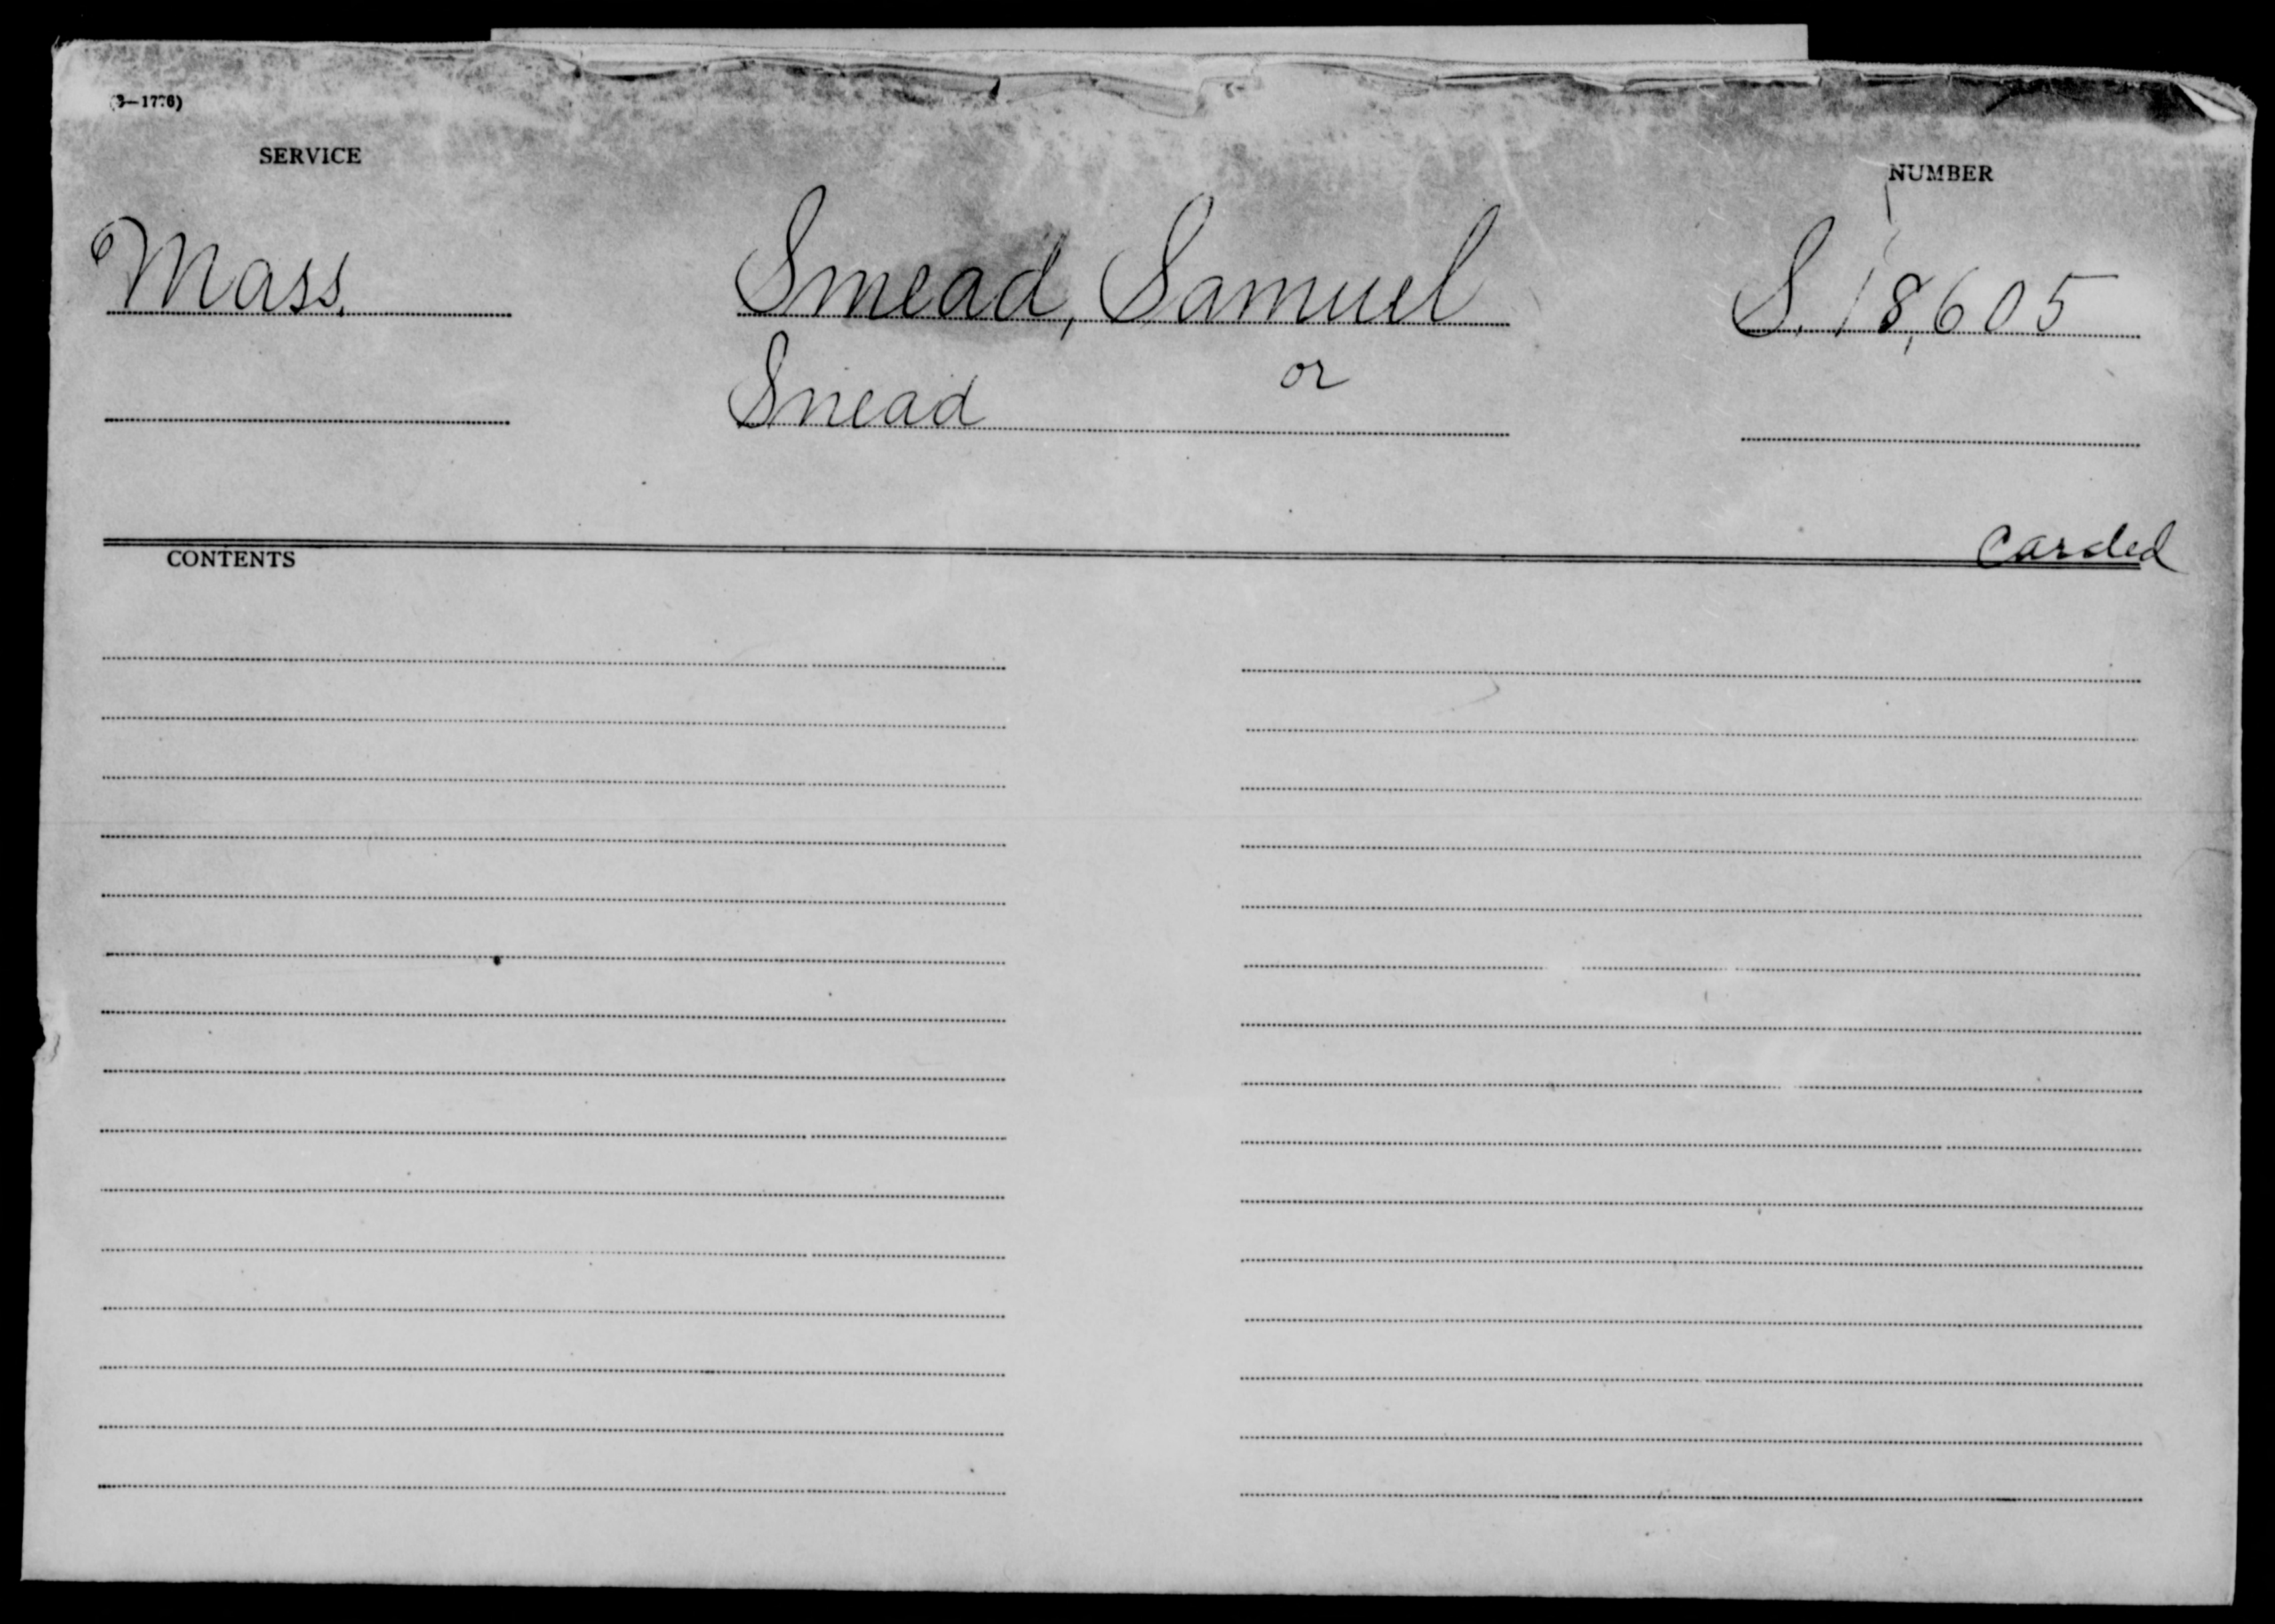(8-1776)

SERVICE
Mass.

Smead, Samuel
or Snead

NUMBER
S.18,605


carded

CONTENTS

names: Samuel Snead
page: 1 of 18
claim: survivor's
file: S. 18,605, for Samuel Smead, Massachusetts